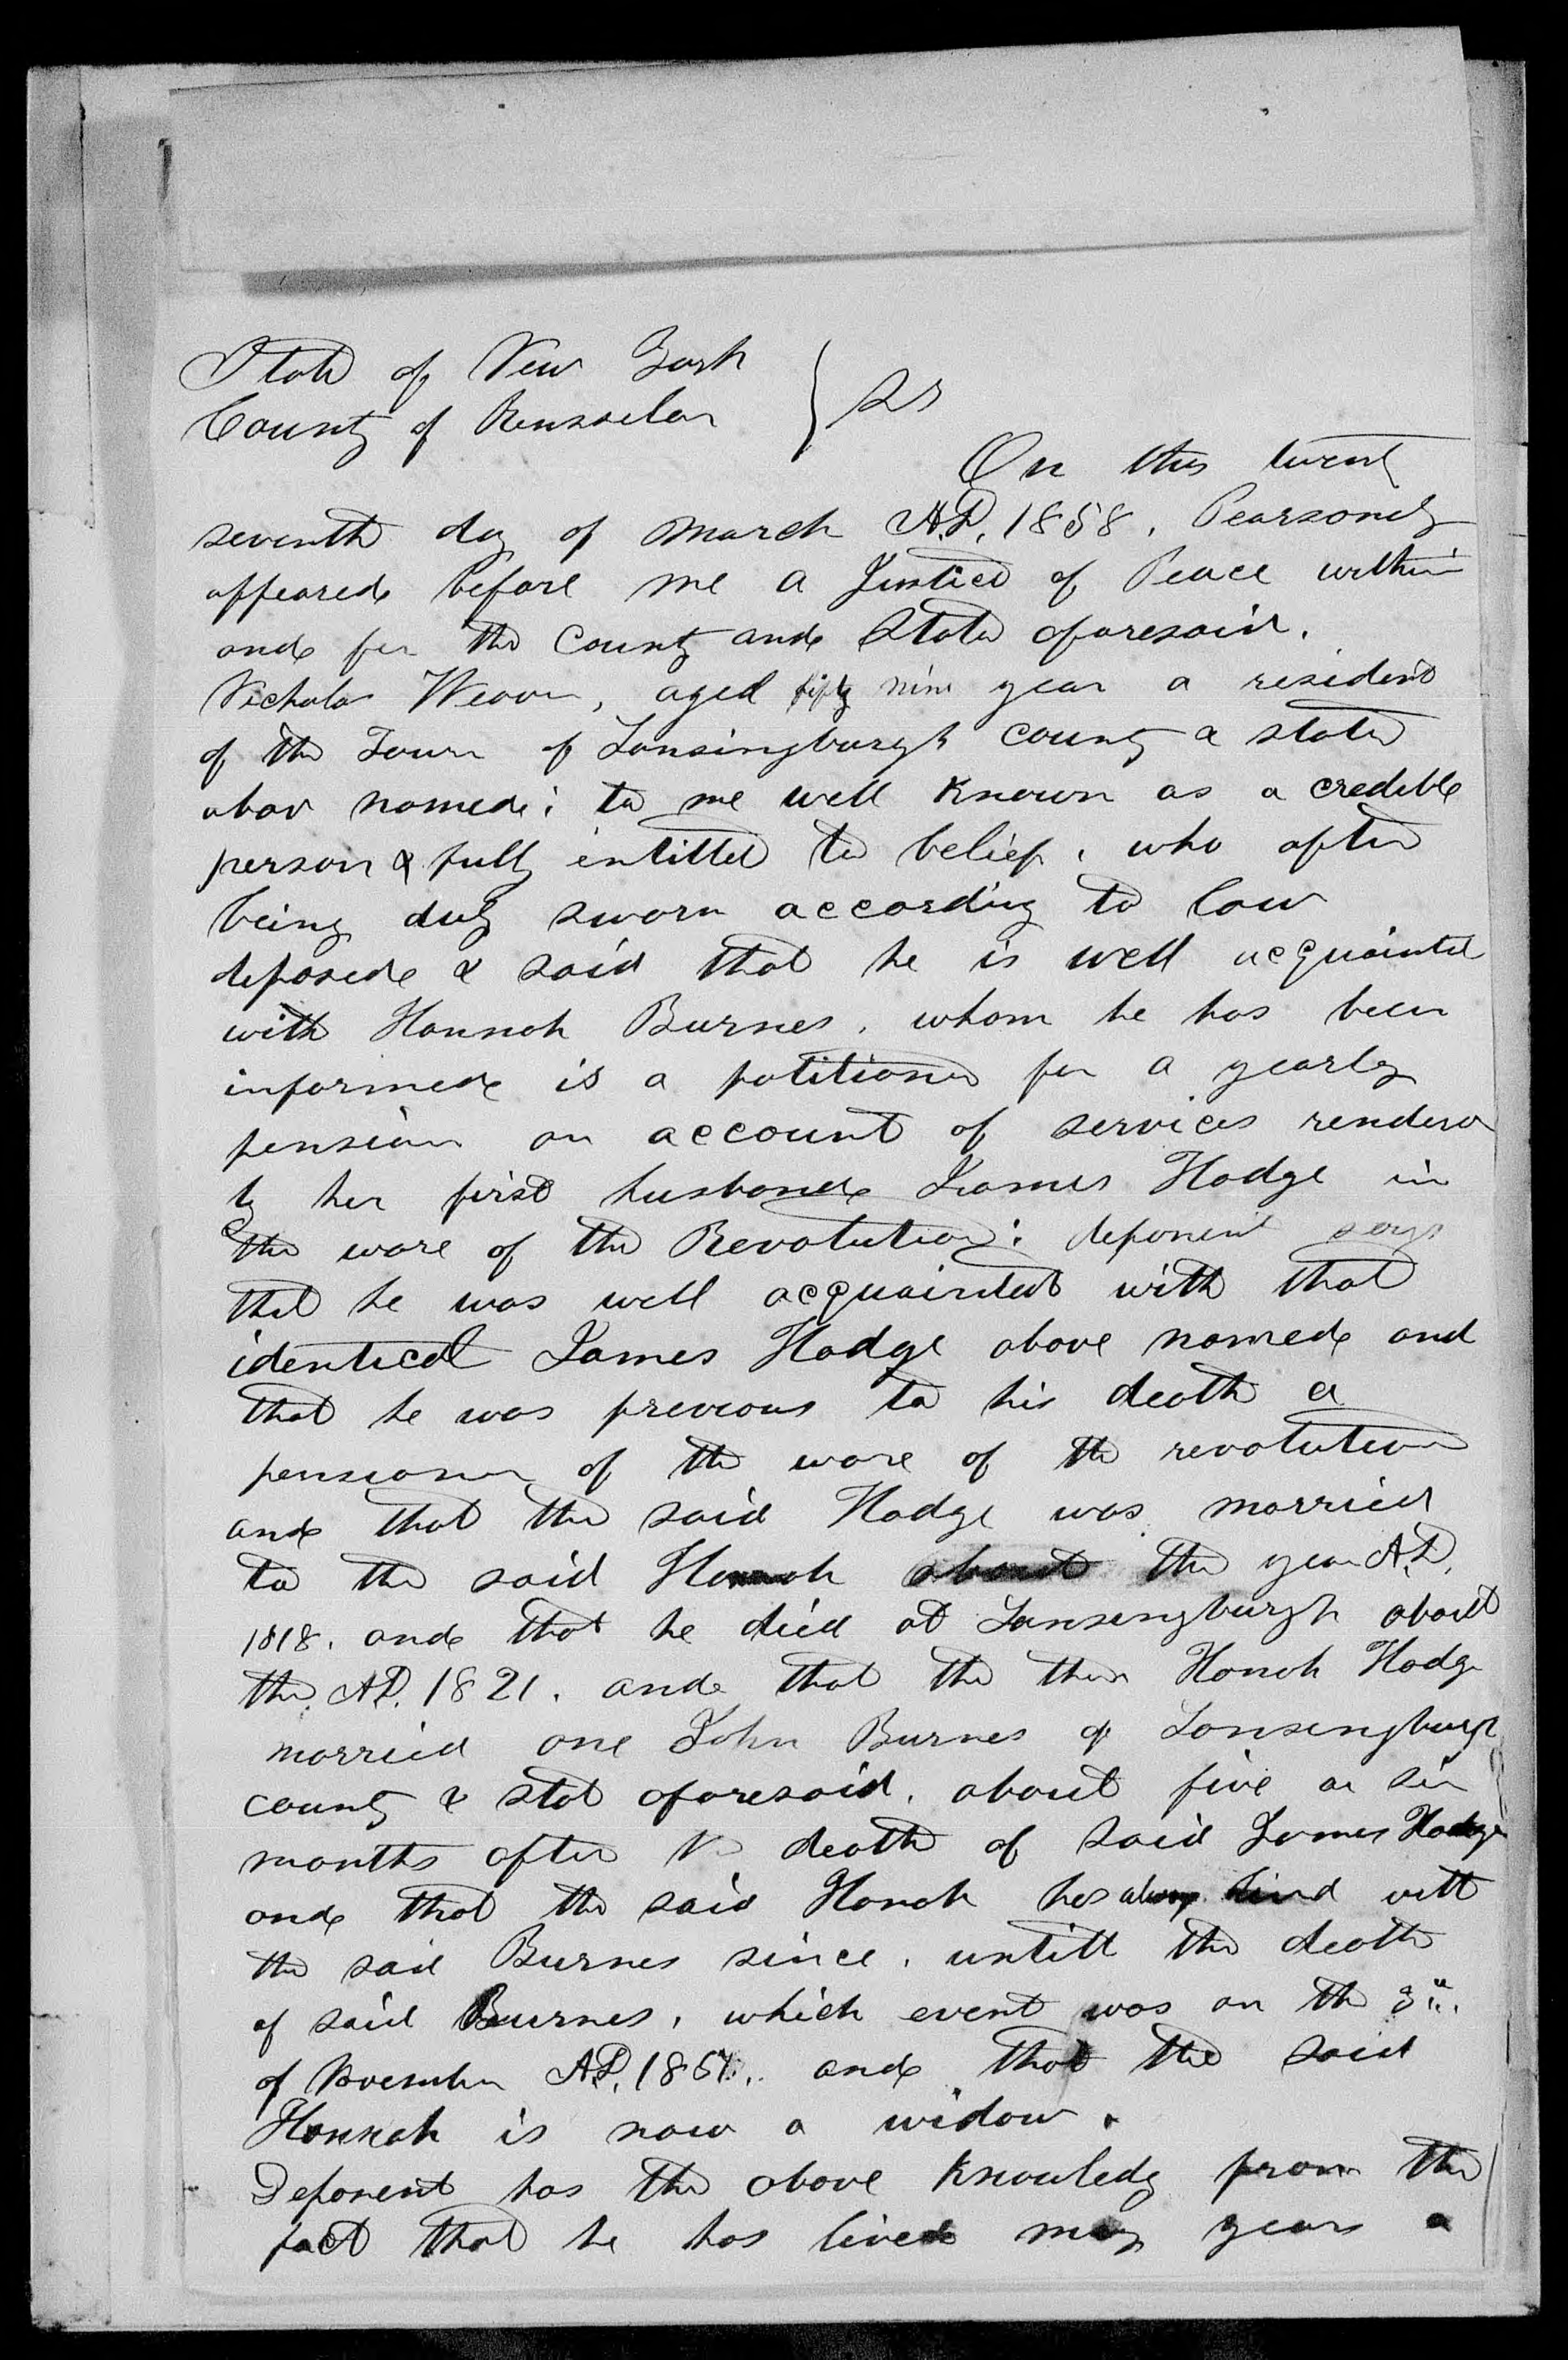State of New York
County of Rensselaer

On this twenty seventh day of March A.D. 1888, Pearsons offered before me a ___ of Peace within and for the County and State aforesaid.
Nicholas Weaver [?], aged fifty nine year a resident of the Town of Lansingburgh county and state afore [?] named: to me well known as a credible person + fully entitled to belief, who after being duly [?] sworn according to law ___ + said that he is well acquainted with Hannah Burns, whom he has been informed is a petitioner for a yearly pension on account of services rendered by her first husband James Hodge in the war of the Revolution: Deponent says that he was well acquainted with that identical James Hodge above named and that he was previous to his death a pensioner of the war of the Revolution and that the said Hodge was married to the said Hannah about the year A.D. 1818, and that he died at Lansingburgh about A.D. 1821, and that the then Hannah Hodge married one John Burns of Lansingburgh county and state aforesaid, about five or six months after the death of said James Hodge and that the said Hannah has always lived [?] with the said Burns since, until the death of said Burns, which event was on the ___ of November A.D. 1884 [?], and that the said Hannah is now a widow.
Deponent has the above knowledge from the fact that he has lived many years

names: James Hodge, Nicholas Weaver, Hannah, Hanah, James Hodge, Hanah Hodge, Burnes, Hannah, John Burnes, James Hodge, Burnes, Hodge, Hannah Burnes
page: 39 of 48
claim: widow's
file: W. 10476, James Hodge, New York